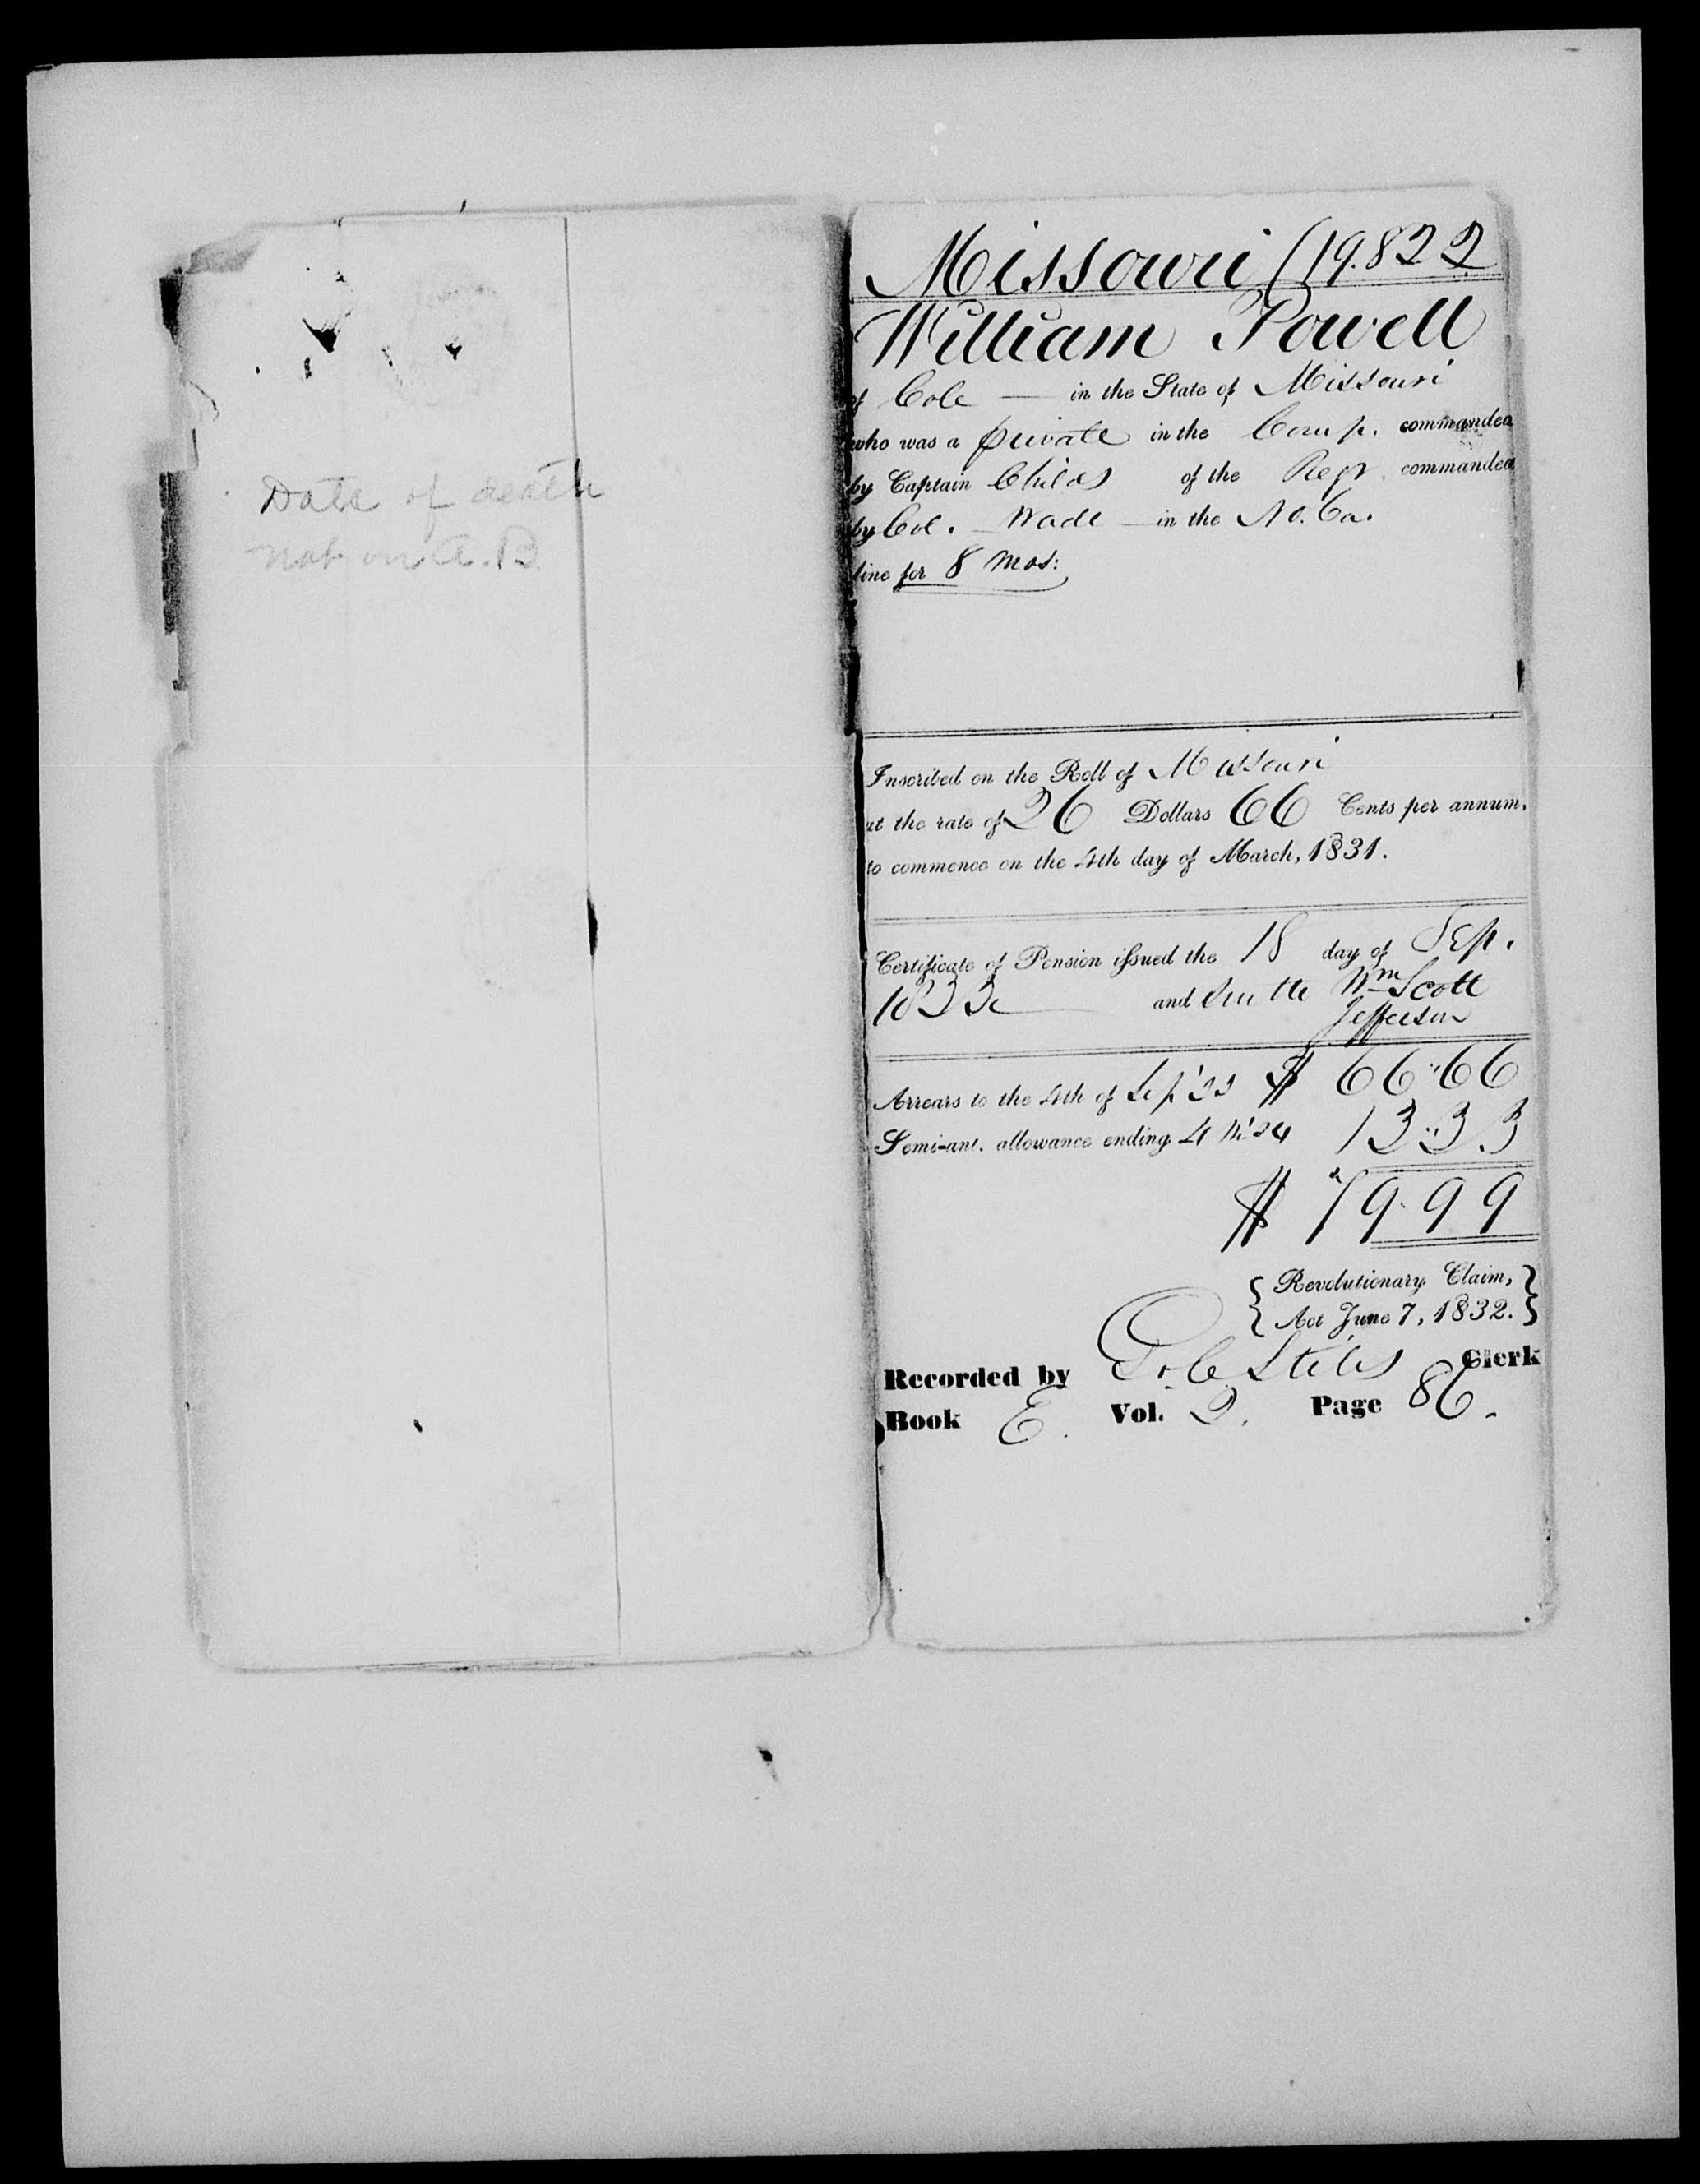Missouri 19.822
William Powell
of Cole County in the State of Missouri
who was a private in the (?) commanded
by Captain Childs of the Regt commanded by Col. Wade in the No. Ca. line for mos.

Inscribed on the Roll of Missouri at the rate of 26 Dollars 66 Cents per annum, to commence on the 4th day of March, 1834 

Certificate of Pension issued the 18th day of Sep. [?] and [?] Wm Scott Jefferson

Arrears to the 4th of Sept [?} $66.66 Semi-anl allowance ending [?] 13.33/ $79.99

Revolutionary Claim, Act June 7, 1832

Recorded by Cole Stiles Clerk
Book E Vol. 2. Page 86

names: William Powell; Go C Stiles; [BLANK] Childs; [BLANK] Wade; Wm Scott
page: 2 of 19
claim: survivor's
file: S. 17022, for William Powell, North Carolina